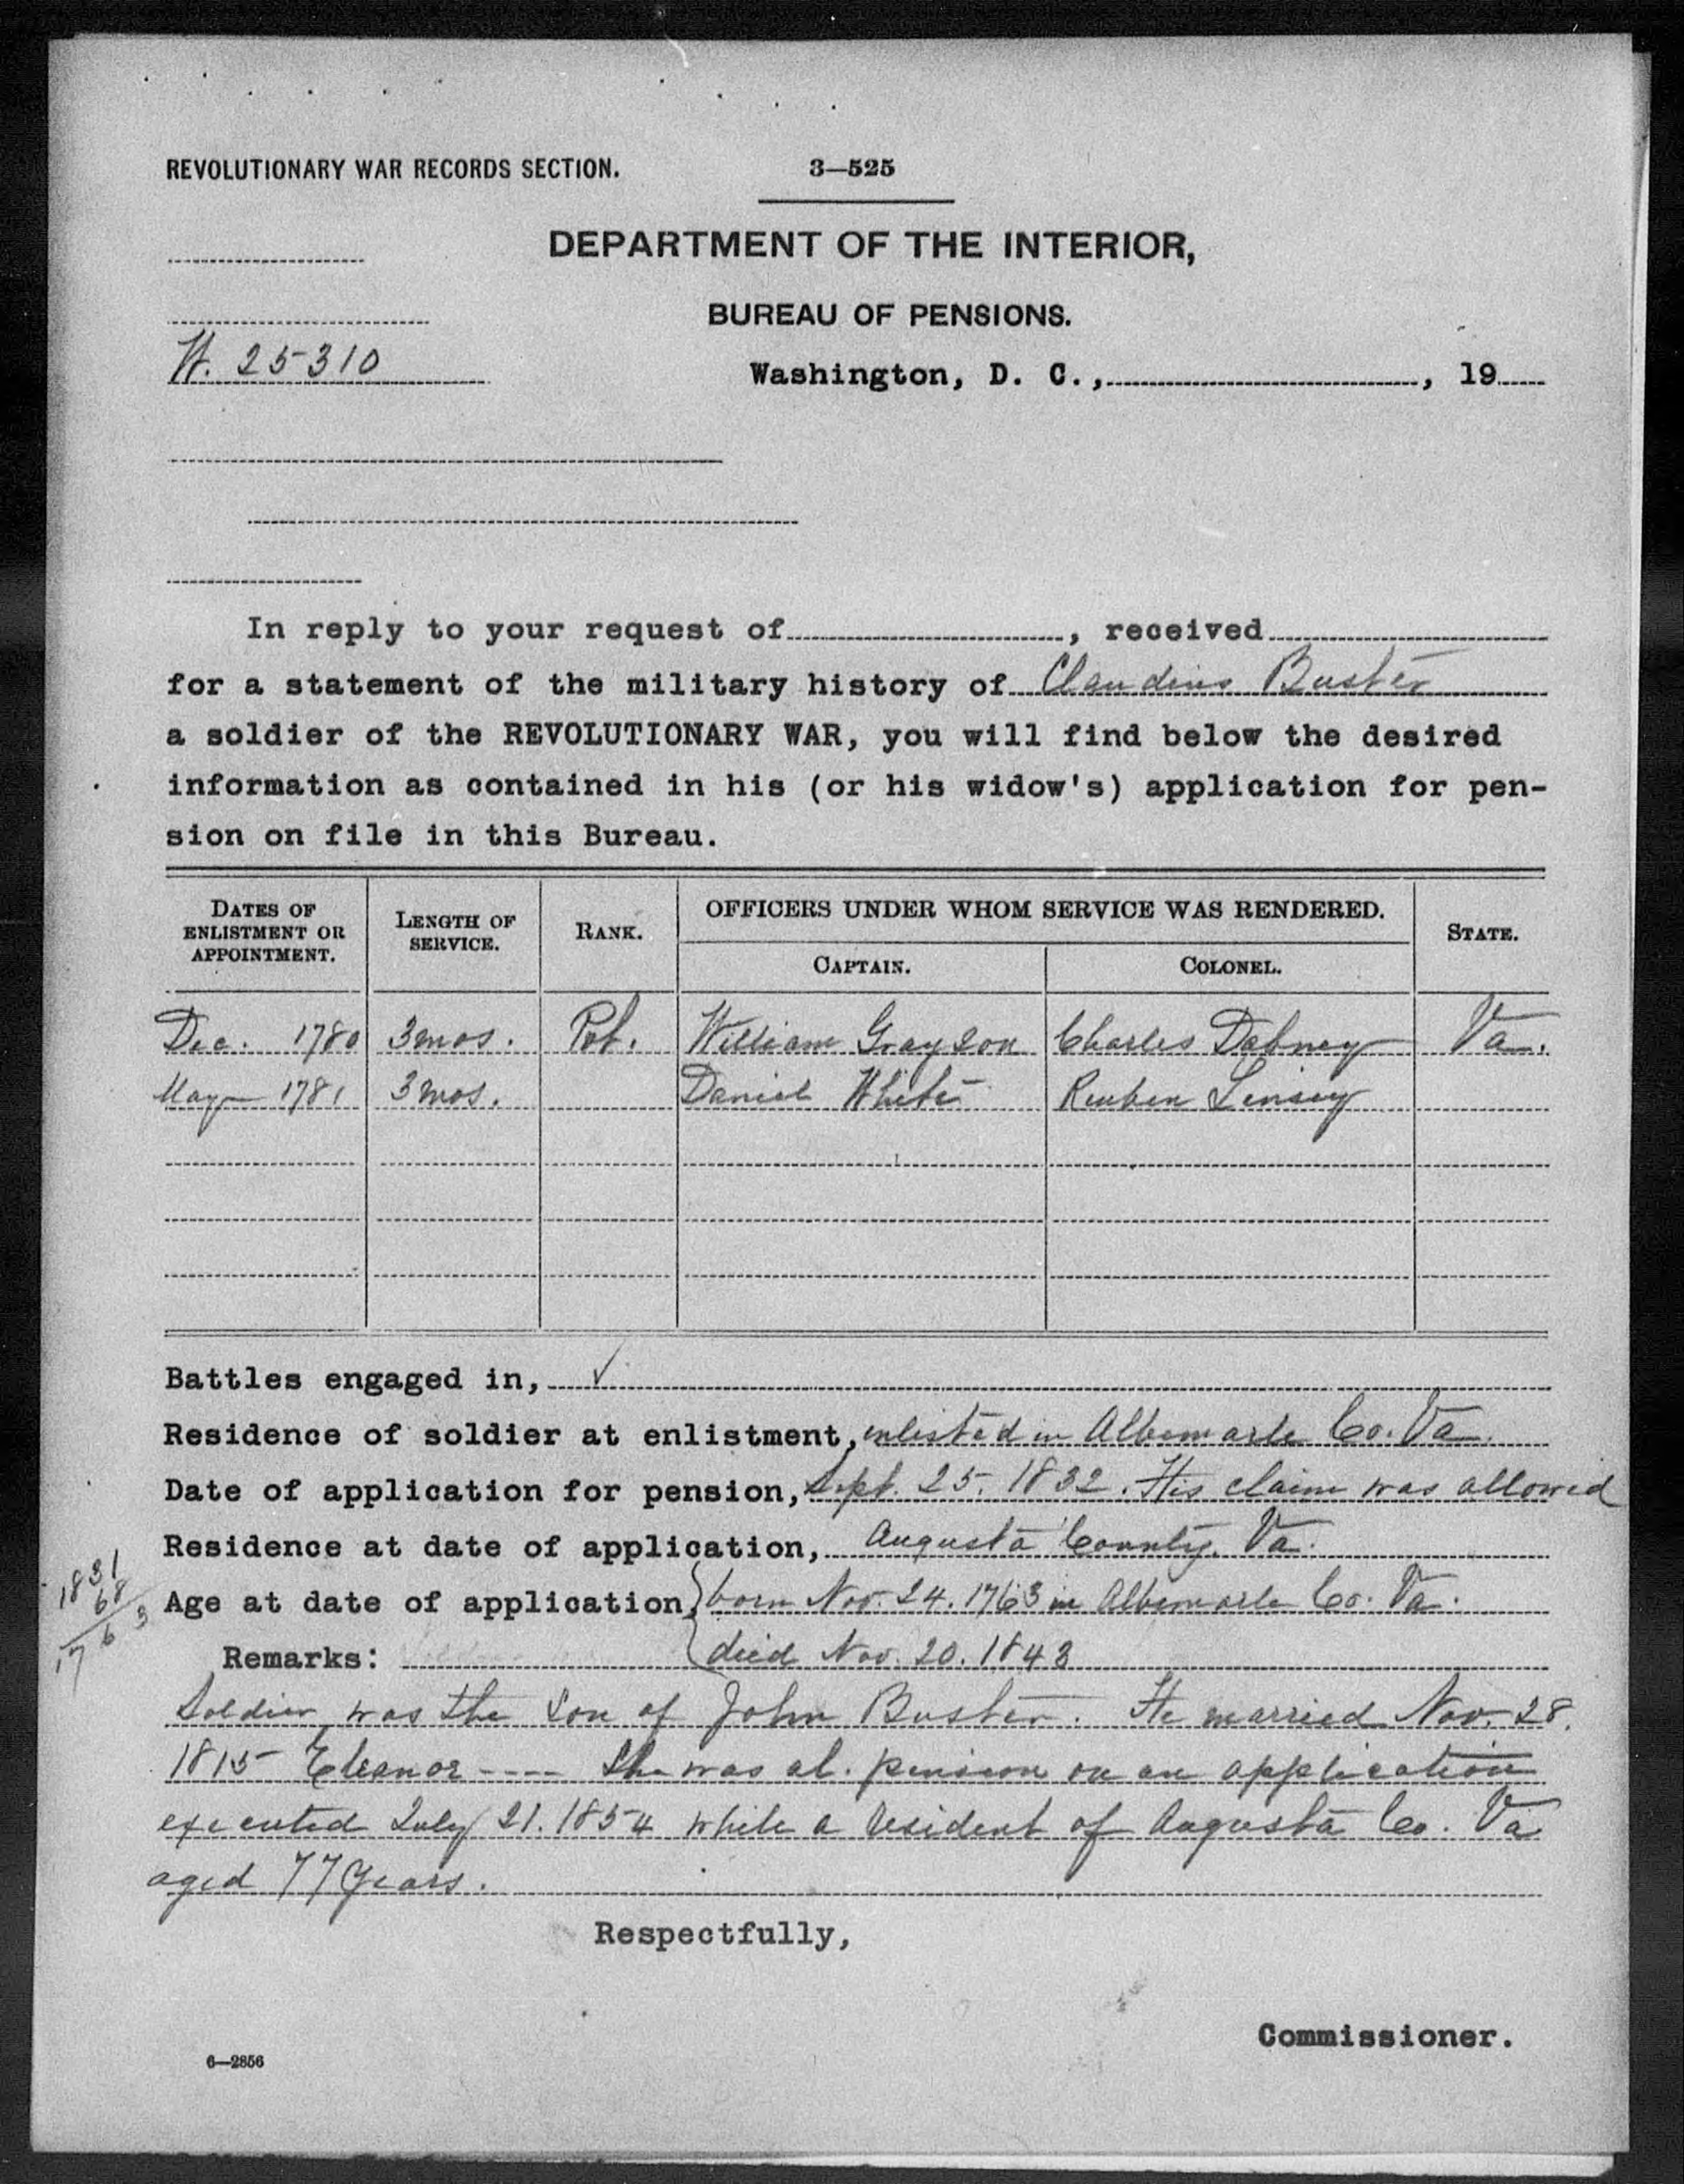3-525
REVOLUTIONARY WAR RECORDS SECTION.
DEPARTMENT OF THE INTERIOR,
BUREAU OF PENSIONS.
Washington, D. C.,  [blank], 19[blank]
w. 25310

In reply to your request of [blank], received [blank] for a statement of the military history of cLAUDIUS bUSTER a soldier of the REVOLUTIONARY WAR, you will find below the desired information as contained in his (of his widow's) application for pension on file in this Bureau.

Dates of enlistment or appointment.
Dec. 1780
May 1781

Length of service.
3 mos.
3 mos.

Rank.
Pvt.

OFFICERS UNDER WHOM SERVICE WAS RENDERED.
Captain.
William Grayson
Daniel White

Colonel.
Charles Dabney
Reuben Linsay

State.
Va.

Battles engaged in, 
✔

Residence of soldier at enlistment, 
enlisted in Albemarle Co. Va.

Date of application for pension,
Sept. 25, 1832. His claim was allowed

Residence at date of application,
Augusta County Va.

Age at date of application,
born Nov. 24, 1763 in Albemarle Co. Va.
died Nov. 20, 1848(sic)

Remarks:
Soldier was the son of John Buster. He married Nov. 28, 1815 Eleanor_ _ _ She was al. pension on an application executed July 21, 1854 while a resident of Augusta Co. Va. aged 77 years.

Respectfully,
Commissioner.
6-2856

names: Claudius Buster, John Buster, Reuben Linsey, Daniel White, William Grayson, Charles Dabney, Eleanor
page: 71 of 71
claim: widow's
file: W. 25310, Claudius Buster, Va.